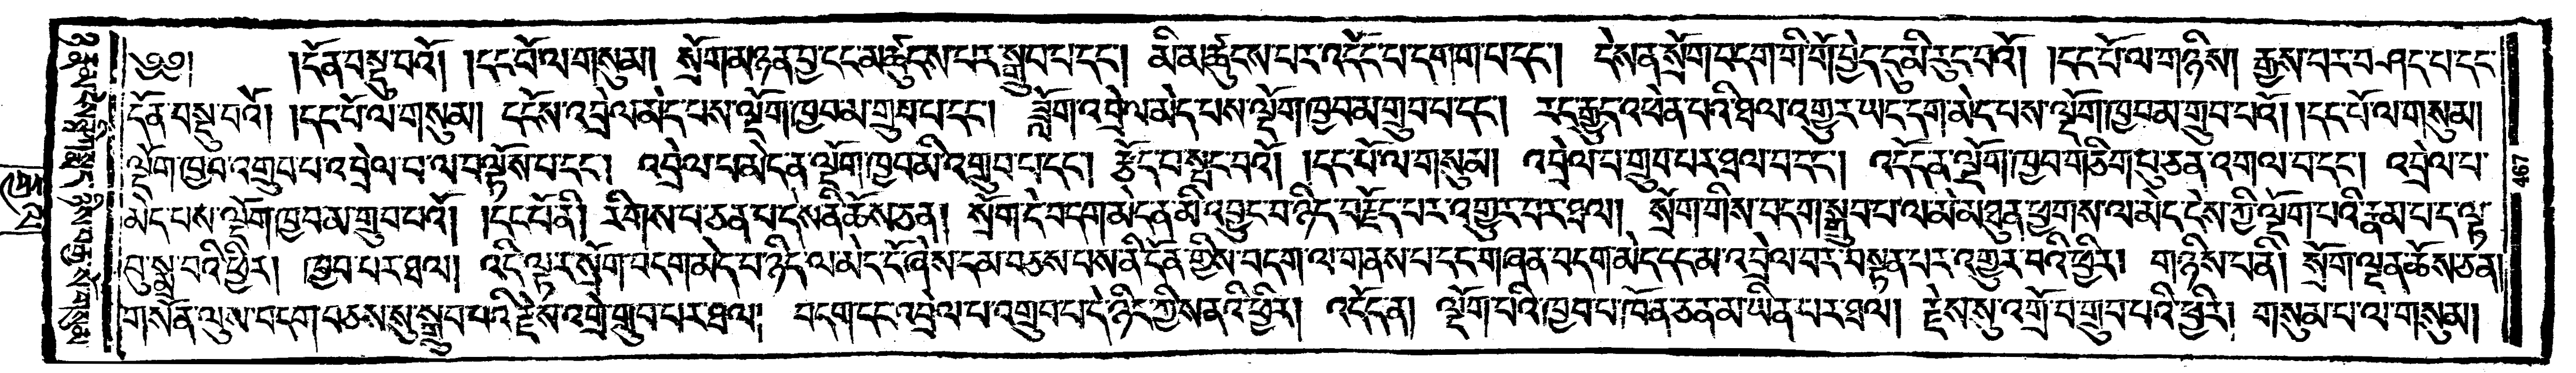༄༅། །དོན་བསྡུ་བའོ། །དང་པོ་ལ་གསུམ། སྲོག་མཉན་བྱ་དང་མཚུངས་པར་སྒྲུབ་པ་དང་། མི་མཚུངས་པར་འདོད་པ་དགག་པ་དང་། དེས་ན་སྲོག་བདག་གི་གོ་བྱེད་དུ་མི་རུང་པའོ། །དང་པོ་ལ་གཉིས། རྒྱས་པར་བཤད་པ་དང་
དོན་བསྡུ་པའོ། །དང་པོ་ལ་གསུམ། དངོས་འབྲེལ་མེད་པས་ལྡོག་ཁྱབ་མ་གྲུབ་པ་དང་། ཟློག་འབྲེལ་མེད་པས་ལྡོག་ཁྱབ་མ་གྲུབ་པ་དང་། རང་རྒྱུད་འཕེན་པའི་ཐལ་འགྱུར་ཡང་དག་མེད་པས་ལྡོག་ཁྱབ་མ་གྲུབ་པའོ། །དང་པོ་ལ་གསུམ།
ལྡོག་ཁྱབ་འགྲུབ་པ་འབྲེལ་པ་ལ་བལྟོས་པ་དང་། འབྲེལ་པ་མེད་ན་ལྡོག་ཁྱབ་མི་འགྲུབ་པ་དང་། རྩོད་པ་སྤང་བའོ། །དང་པོ་ལ་གསུམ། འབྲེལ་པ་གྲུབ་པར་ཐལ་བ་དང་། འདོད་ན་ལྡོག་ཁྱབ་གཅིག་བུ་ཅན་འགལ་བ་དང་། འབྲེལ་པ་
མེད་པས་ལྡོག་ཁྱབ་མ་གྲུབ་པའོ། །དང་པོ་ནི། རིགས་པ་ཅན་པ་དེས་ནི་ཆོས་ཅན། སྲོག་དེ་བདག་མེད་ན་མི་འབྱུང་བ་ཉིད་བརྗོད་པར་འགྱུར་པར་ཐལ། སྲོག་གིས་བདག་སྒྲུབ་པ་ལ་མེ་མཐུན་ཕྱགས་ལ་མེད་ངེས་ཀྱི་ལྡོག་པའི་རྣམ་པ་ད་ལྟ་
བུ་སྨྲ་བའི་ཕྱིར། ཁྱབ་པར་ཐལ། འདི་ལྟར་སྲོག་བདག་མེད་པ་ཉིད་ལ་མེད་དོ་ཞེས་དམ་བཅས་པས་ནི་དོན་གྱིས་བདག་ལ་གནས་པ་དང་གཞན་བདག་མེད་དང་མ་འབྲེལ་པར་བསྟན་པར་འགྱུར་པའི་ཕྱིར། གཉིས་པ་ནི། སྲོག་ལྡན་ཆོས་ཅན།
གསོན་ལུས་བདག་བཅས་སུ་སྒྲུབ་པའི་རྗེས་འགྲེ་གྲུབ་པར་ཐལ། བདག་དང་འབྲེལ་བ་འགྲུབ་པ་དེ་ཉིད་ཀྱིས་ནའི་ཕྱིར། འདོད་ན། ལྡོག་པའི་ཁྱབ་པ་ཁོ་ན་ཅན་མ་ཡིན་པར་ཐལ། རྗེས་སུ་འགྲོ་བ་གྲུབ་པའི་ཕྱིར། གསུམ་པ་ལ་གསུམ།